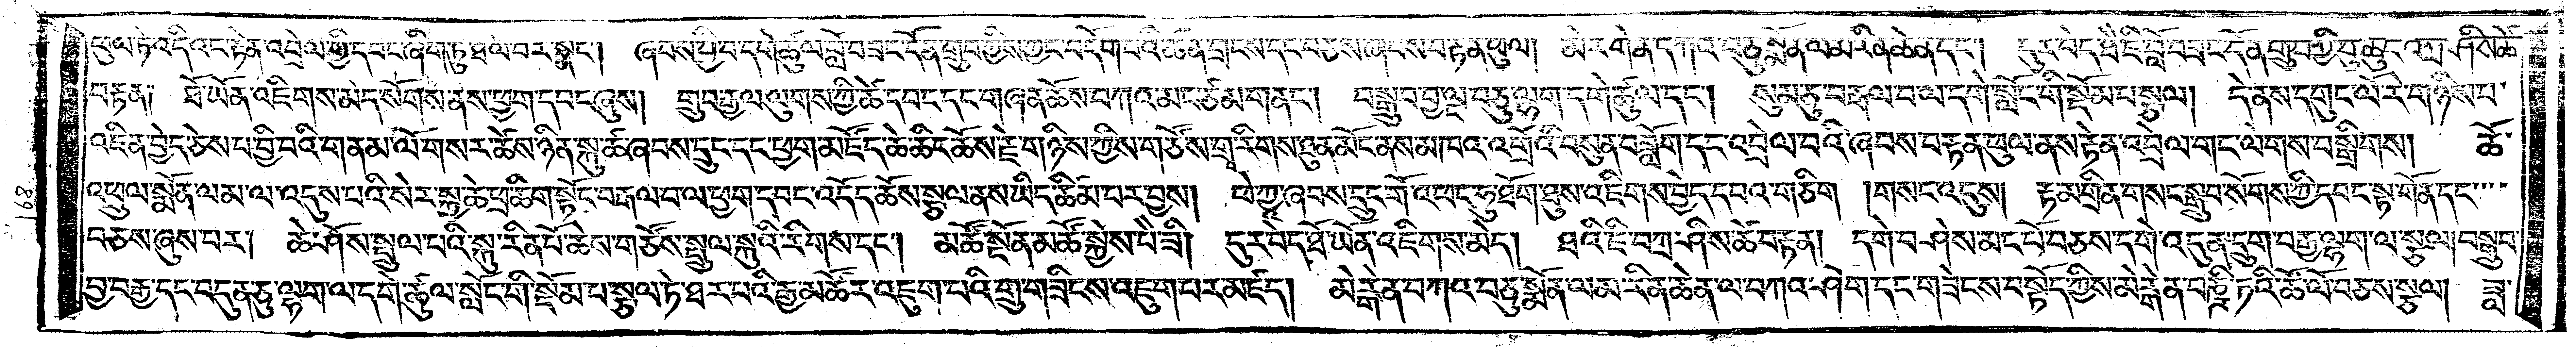ཕུལ་ཏེ་འདིའང་རྟེན་འབྲེལ་གྱི་དབང་ཞིག་ཏུ་ཐལ་བར་སྣང་། ཞབས་ཕྱི་བ་དགེ་ཚུལ་བློ་བཟང་དོན་གྲུབ་ཀྱིས་ཀྱང་བདོག་པའི་ཚན་གྲངས་དང་བཅས་ཞབས་བརྟན་ཕུལ། མེར་གེན་དཀའ་བཅུ་སྨོན་ལམ་རིན་ཆེན་དང་། དུར་བདེ་ཐཻ་ཇི་བློ་བཟང་དོན་གྲུབ་ཀྱི་བུ་ཆུང་བཀྲ་ཤིས་ཚེ་
བརྟན༑ ཐོ་ཡོན་འཇིགས་མེད་སོགས་ནས་ཕྱག་དབང་ཞུས། གྲུབ་རྒྱལ་ལུགས་ཀྱི་ཚེ་དབང་དང་གཞན་ཆོས་བཀའ་མང་ཙམ་གནང་། བསྒྲུབ་བྱ་ལྔ་བཅུ་ལྷག་དགེ་ཚུལ་དང་། སུམ་ཅུ་བརྒལ་བ་ལ་དགེ་སློང་གི་སྡོམ་པ་སྩལ། དེ་ནས་དགུང་ལོ་རེ་གཉིས་པ་
འཛིན་བྱེད་ཅེས་པ་བྱི་བའི་གནམ་ལོ་གསར་ཚེས་ཉིན་སྐུ་ཚ་ཞབས་དྲུང་དང་ཕྱག་མཛོད་ཆེ་ཆིང་ཆོས་རྗེ་གཉིས་ཀྱིས་གཙོས་གྲྭ་རིགས་ཐུན་མོང་ནས་མཁའ་འགྲོའི་བསྟུན་བཟློག་དང་འབྲེལ་བའི་ཞབས་བརྟན་ཕུལ་ནས་རྟེན་འབྲེལ་གང་ལེགས་བསྒྲིགས། ཆོ་
འཕྲུལ་སྨོན་ལམ་ལ་འདུས་པའི་སེར་སྐྱ་ཆེ་ཕྲ་ཆིག་སྟོང་བརྒལ་བ་ལ་ཕྱག་དབང་འདོད་ཆོས་སྩལ་ནས་ཡིད་ཚིམ་པར་བྱས། ཕེ་ཀྱཱ་ཞབས་དྲུང་གོ་འཕང་ཧུ་ཐོག་ཐུས་འཇིགས་བྱེད་དབའ་གཅིག །གསང་འདུས། རྟ་མགྲིན་གསང་སྒྲུབ་སོགས་ཀྱི་དབང་སྟ་གོན་དང་
བཅས་ཞུས་པར། ཆེ་ཤོས་སྤྲུལ་བའི་སྐུ་རིན་པོ་ཆེས་གཙོས་སྤྲུལ་སྐུའི་རིགས་དང་། མཚོ་སྔོན་མཚོ་སྐྱེས་པཻ་ཟི། དུར་བདེ་ཐོ་ཡོན་འཇིགས་མེད། ཐའི་ཇི་བཀྲ་ཤིས་ཚེ་བརྟན། དགེ་བཤེས་མང་པོ་བཅས་དགེ་འདུན་དྲུག་བརྒྱ་ལྷག་ལ་སྩལ། བསྒྲུབ་
བྱ་བརྒྱ་དང་བདུན་ཅུ་ལྷག་ལ་དགེ་ཚུལ་སློང་གི་སྡོམ་པ་སྩལ་ཏེ་ཐར་པའི་རྒྱ་མཚོར་འཇུག་པའི་གྲུ་གཟིངས་འཇུག་བར་མཛད། མེརྒེན་བཀའ་བཅུ་སྨོན་ལམ་རིན་ཆེན་ལ་བཀའ་ཤོག་དང་གཟེངས་བསྟོད་ཀྱིས་མེརྒེན་བཎྜི་ཏའི་ཚོ་ལོ་བཅས་སྩལ། ཟླ་